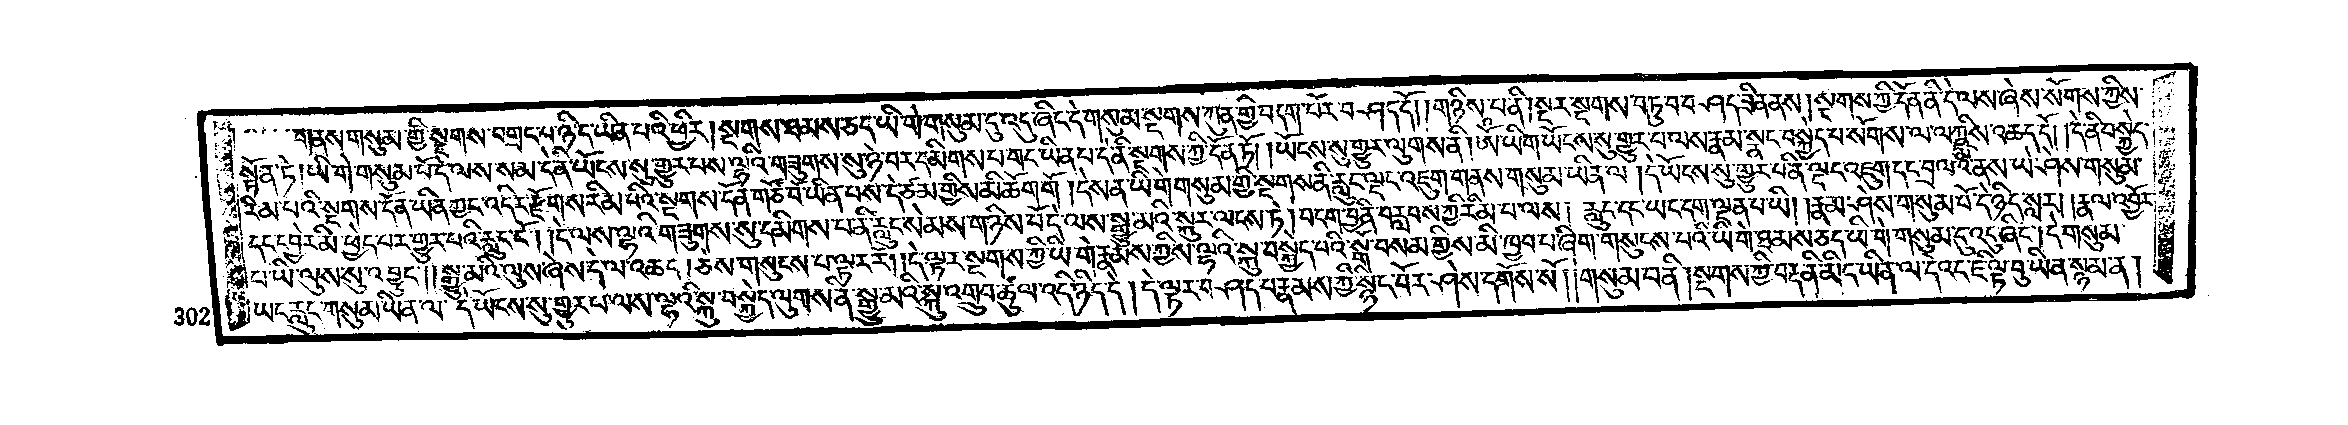གནས་གསུམ་གྱི་སྔགས་བགྲང་བ་ཉིད་ཡིན་པའི་ཕྱིར། སྔགས་ཐམས་ཅད་ཡི་གེ་གསུམ་དུ་འདུ་ཞིང་དེ་གསུམ་སྔགས་ཀུན་གྱི་བདག་པོར་བཤད་དོ། །གཉིས་པ་ནི། སྔར་སྔགས་བཏུ་བ་བཤད་ཟིན་ནས། སྔགས་ཀྱི་དོན་ནི་དེ་ལས་ཞེས་སོགས་ཀྱིས་
སྟོན་ཏེ། ཡི་གེ་གསུམ་པོ་དེ་ལས་སམ་དེ་ནི་ཡོངས་སུ་གྱུར་པས་ལྷའི་གཟུགས་སུ་ཉེ་བར་དམིགས་པ་གང་ཡིན་པ་དེ་ནི་སྔགས་ཀྱི་དོན་ཏོ། །ཡོངས་སུ་གྱུར་ལུགས་ནི། ཨོཾ་ཡིག་ཡོངས་སུ་གྱུར་པ་ལས་རྣམ་སྣང་བསྐྱེད་པ་སོགས་ལ་ལཀྵྨཱིས་འཆད་དོ། །དེ་ནི་བསྐྱེད་
རིམ་པའི་སྔགས་དོན་ཡིན་ཀྱང་འདིར་རྫོགས་རིམ་པའི་སྔགས་དོན་གཙོ་བོ་ཡིན་པས་དེ་ཙམ་གྱིས་མི་ཆོག་གོ །དེས་ན་ཡི་གེ་གསུམ་གྱི་སྔགས་ནི་རླུང་ལྡང་འཇུག་གནས་གསུམ་ཡིན་ལ། དེ་ཡོངས་སུ་གྱུར་པ་ནི་ལྡང་འཇུག་དང་བྲལ་ནས་ཡེ་ཤེས་གསུམ་
དང་དབྱེར་མི་ཕྱེད་པར་གྱུར་པའི་རླུང་ངོ། །དེ་ལས་ལྷའི་གཟུགས་སུ་དམིགས་པ་ནི་རླུང་སེམས་གཉིས་པོ་དེ་ལས་སྒྱུ་མའི་སྐུར་ལངས་ཏེ། བདག་བྱིན་བརླབས་ཀྱི་རིམ་པ་ལས། རླུང་དང་ཡང་དག་ལྡན་པ་ཡི། །རྣམ་ཤེས་གསུམ་པོ་དེ་ཉིད་སླར། །རྣལ་འབྱོར་
པ་ཡི་ལུས་སུ་འབྱུང་། །སྒྱུ་མའི་ལུས་ཞེས་དེ་ལ་འཆད། ཅེས་གསུངས་པ་ལྟར་རོ། །དེ་ལྟར་སྔགས་ཀྱི་ཡི་གེ་རྣམས་ཀྱིས་ལྷའི་སྐུ་བསྐྱེད་པའི་སྒོ་བསམ་གྱིས་མི་ཁྱབ་པ་ཞིག་གསུངས་པའི་ཡི་གེ་ཐམས་ཅད་ཡི་གེ་གསུམ་དུ་འདུ་ཞིང་། དེ་གསུམ་
ཡང་རླུང་གསུམ་ཡིན་ལ་དེ་ཡོངས་སུ་གྱུར་པ་ལས་ལྷའི་སྐུ་བསྐྱེད་ལུགས་ནི་སྒྱུ་མའི་སྐུ་འགྲུབ་ཚུལ་འདི་ཉིད་དེ། དེ་ལྟར་བཤད་པ་རྣམས་ཀྱི་སྙིང་པོར་ཤེས་དགོས་སོ། །གསུམ་པ་ནི། སྔགས་ཀྱི་བརྡ་ནི་མིང་ཡིན་ལ་དེའང་ཇི་ལྟ་བུ་ཡིན་སྙམ་ན།